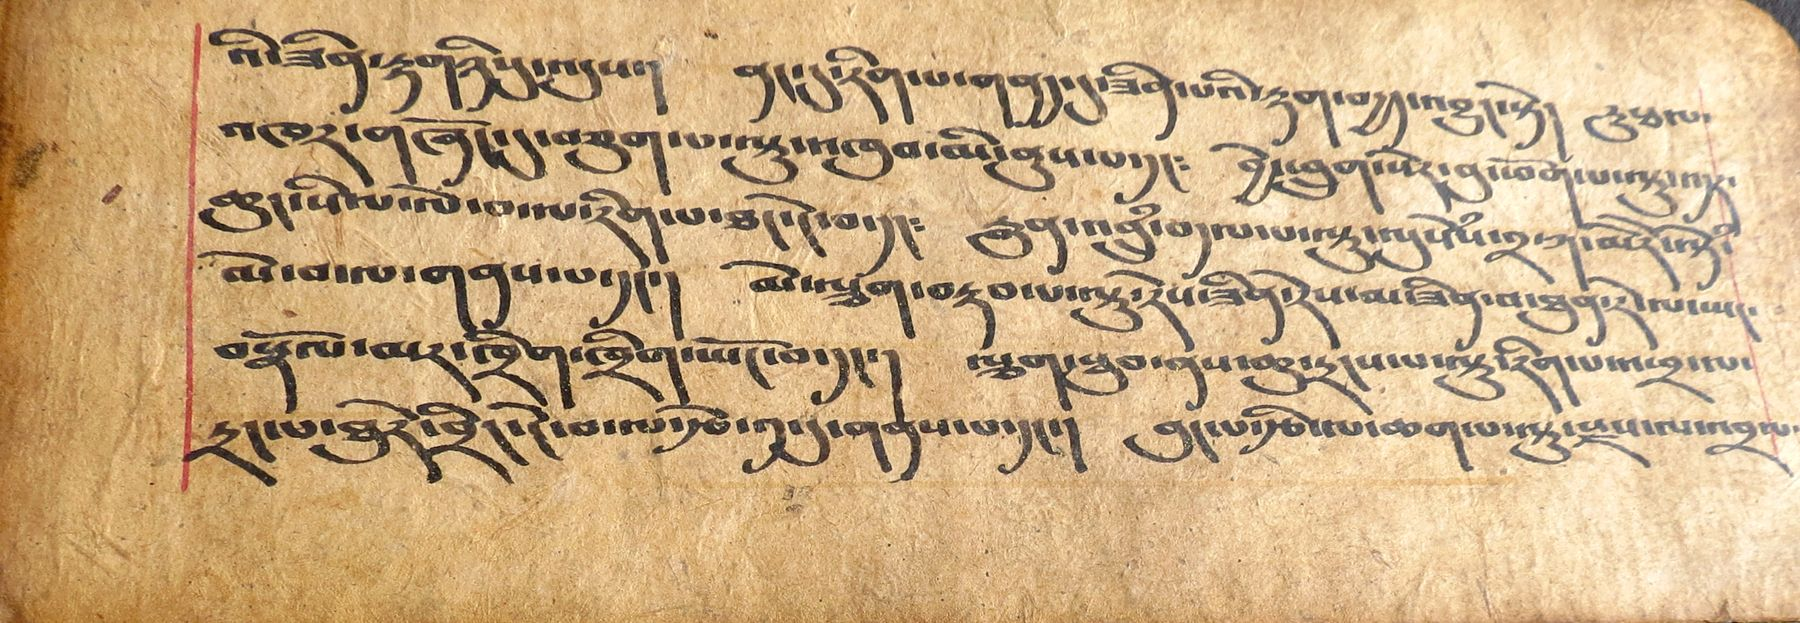ཟིན་རྟགས་གཉིས་སུ་འདུས། ནང་དུ་རིག་པ་གནད་དུ་ཟིན་པའི་རྟགས་བརྒྱད་འབྱུང་སྟེ། རུས་སྦལ་
མཁར་གཞོང་དུ་བཅུགས་པ་ལྟ་བུ་འཁུབ་མི་ནུས་པ་དང་། བྱེའུ་ཕྲུག་ལ་སེར་བུ་ཕོག་པ་ལྟ་བུ་འདར་
ཆུམས་སིལ་ལེ་བ་ལ་རིག་པ་ཐང་ངེ་བ་དང་། རྒུན་འབྲུམ་བདལ་པ་ལྟ་བུ། ལུས་སེམས་གཉིས་ཀ་མེར་རེ་ལྟེམ་
མེ་བ་ལ་གནས་པ་དང་། མེ་ལྕགས་བརྡབས་པ་ལྟ་བུ་རེས་ཟིན་རེས་མི་ཟིན་པ་ཐུན་རེ་ལ་ཡང་
བསྣོལ་མར་ཁྲིག་ཁྲིག་འོང་བ་དང་། ལྕགས་སྦུབས་ནས་ཆུ་དྲངས་པ་ལྟ་བུ་རིག་པ་འཕྲ་ལ་
དྲང་བ་པ་ཐུར་རེ་བྲིང་ངེ་བ་ལ་རྩེ་གཅིག་ཏུ་གནས་པ་དང་། བུང་བ་རྩི་ལ་ཆགས་པ་ལྟ་བུ་རྫས་ལ་འབྲལ་